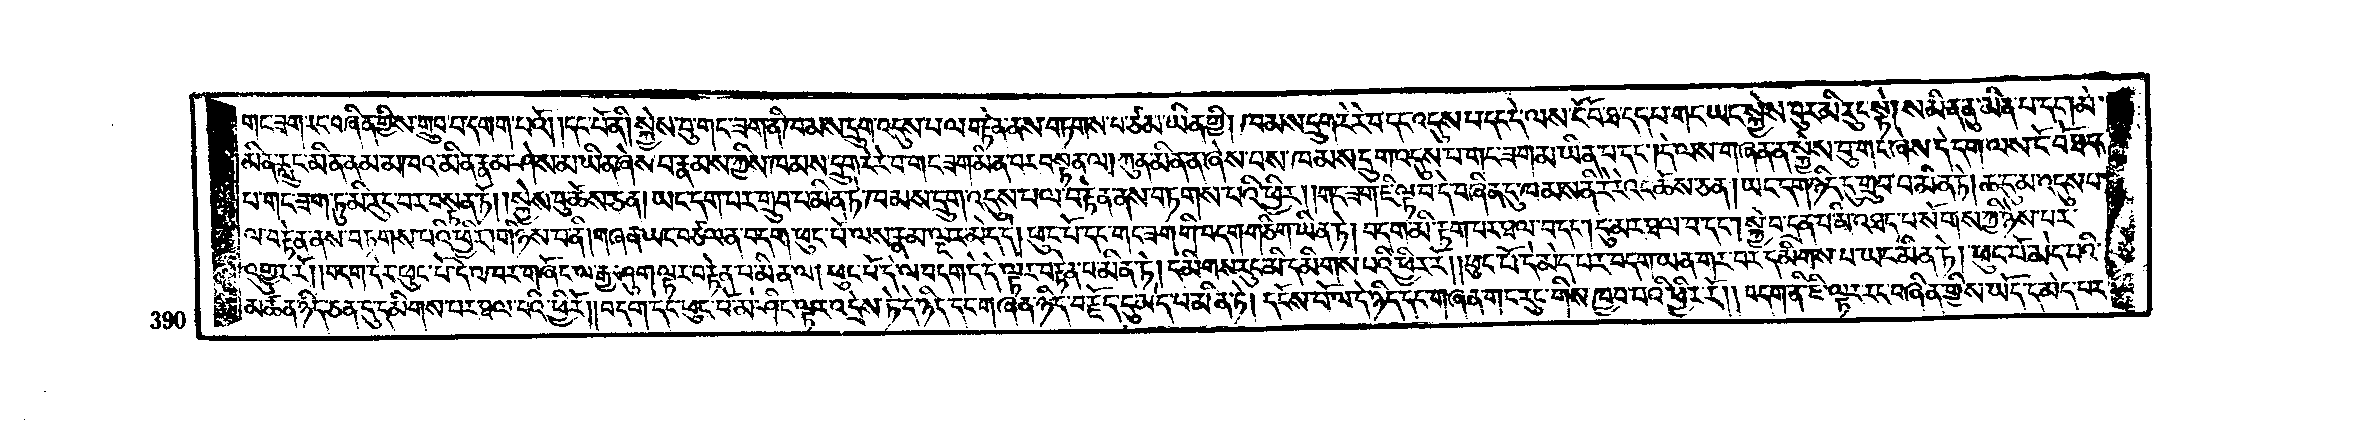གང་ཟག་རང་བཞིན་གྱིས་གྲུབ་པ་དགག་པའོ། །དང་པོ་ནི། སྐྱེས་བུ་གང་ཟག་ནི་ཁམས་དྲུག་འདུས་པ་ལ་བརྟེན་ནས་བཏགས་པ་ཙམ་ཡིན་གྱི། ཁམས་དྲུག་རེ་རེ་བ་དང་འདུས་པ་དང་དེ་ལས་ངོ་བོ་ཐ་དད་པ་གང་ཡང་སྐྱེས་བུར་མི་རུང་སྟེ། ས་མིན་ནུ་མིན་པ་དང་། མེ་
མིན་རླུང་མིན་ནམ་མཁའ་མིན་རྣམ་ཤེས་མ་ཡིན་ཞེས་པ་རྣམས་ཀྱིས་ཁམས་དྲུག་རེ་རེ་བ་གང་ཟག་མིན་པར་བསྟན་ལ། ཀུན་མིན་ན་ཞེས་པས་ཁམས་དྲུག་འདུས་པ་གང་ཟག་མ་ཡིན་པ་དང་། དེ་ལས་གཞན་ན་སྐྱེས་བུ་གང་ཞེས་དེ་དག་ལས་ངོ་བོ་ཐ་དད་
པ་གང་ཟག་ཏུ་མི་རུང་བར་བསྟན་ཏོ། །སྐྱེས་བུ་ཆོས་ཅན། ཡང་དག་པར་གྲུབ་པ་མིན་ཏེ་ཁམས་དྲུག་འདུས་པ་ལ་བརྟེན་ནས་བཏགས་པའི་ཕྱིར། །གང་ཟག་ཇི་ལྟ་བ་དེ་བཞིན་དུ་ཁམས་ནི་རེ་རེའང་ཆོས་ཅན། ཡང་དག་ཉིད་དུ་གྲུབ་པ་མིན་ཏེ། ཆ་དུ་མ་འདུས་པ་
ལ་བརྟེན་ནས་བཏགས་པའི་ཕྱིར། གཉིས་པ་ནི། གཞན་ཡང་བཙལ་ན་བདག་ཕུང་པོ་ལས་རྣམ་ལྔར་མེད་དེ། ཕུང་པོ་དང་གང་ཟག་གི་བདག་གཅིག་ཡིན་ཏེ། བདག་མི་རྟག་པར་ཐལ་བ་དང་། དུ་མར་ཐལ་བ་དང་། སྐྱེ་བ་དྲན་པ་མི་འཐད་པ་སོགས་ཀྱི་ཉེས་པར་
འགྱུར་རོ། །བདག་དེར་ཕུང་པོ་དེ་འཁར་གཞོང་ལ་རྒྱ་ཤུག་ལྟར་བརྟེན་པ་མིན་ལ། ཕུང་པོ་དེ་ལ་བདག་དེ་དེ་ལྟར་བརྟེན་པ་མིན་ཏེ། དམིགས་རུང་མི་དམིགས་པའི་ཕྱིར་རོ། །ཕུང་པོ་དེ་མེད་པར་བདག་ཡན་གར་བར་དམིགས་པ་ཡང་མིན་ཏེ། ཕུང་པོ་མེད་པའི་
མཚན་ཉིད་ཅན་དུ་དམིགས་པར་ཐལ་བའི་ཕྱིར་རོ། །བདག་དང་ཕུང་པོ་མེ་ཤིང་ལྟར་འདྲེས་ཏེ་དེ་ཉིད་དང་གཞན་ཉིད་བརྗོད་དུ་མེད་པ་མིན་ཏེ། དངོས་པོ་ལ་དེ་ཉིད་དང་གཞན་གང་རུང་གིས་ཁྱབ་པའི་ཕྱིར་རོ། །བདག་ནི་ཇི་ལྟར་རང་བཞིན་གྱིས་ཡོད་དོ་མེད་པར་